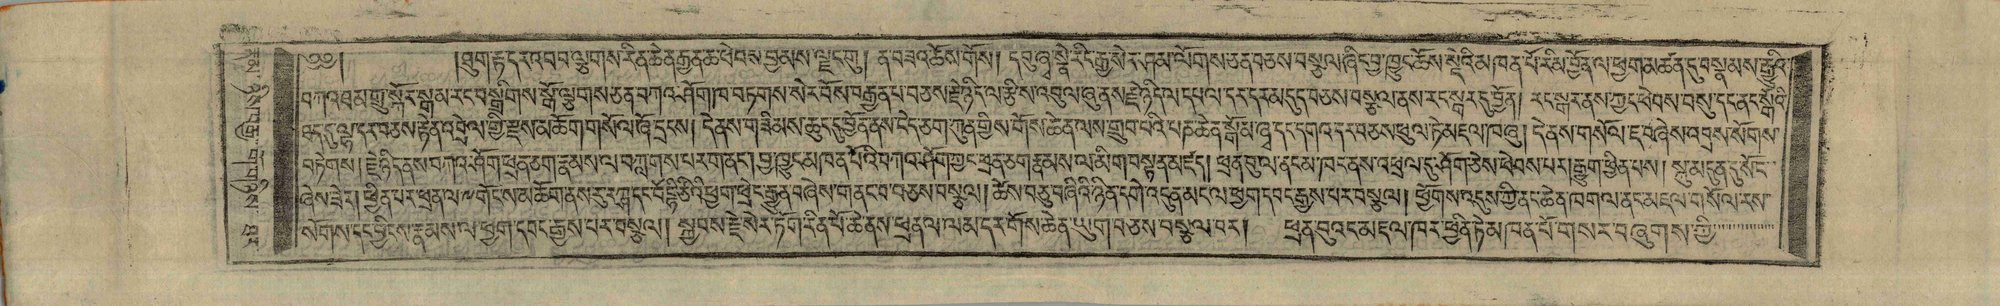༄༅། །ཐུག་རྟ་དར་འབབ་ལྕགས་རིན་ཆེན་རྒྱན་ཆ་ཕེབས་བྱམས་ལྗང་གུ། ན་བཟའ་ཆོས་གོས། དབུ་ཞྭ་སྣེ་རིང་རྒྱ་སེར་ཤམ་ལོགས་ཅན་བཅས་བསྩལ་ཞིང་བྱ་ཁྱུང་ཆོས་སྡེའི་མཁན་པོ་རིམ་བྱོན་ལ་ཕྱག་མཚན་དུ་བསྣམས་རྒྱུའི་
བཀའ་ཐམ་གྲུ་སྐོར་སྒམ་རང་བསྒྲིགས་སྒོ་ལྕགས་ཅན་བཀའ་ཤོག་ཁ་བཏགས་སེར་བོས་བརྒྱན་པ་བཅས་རྗེ་ཉིད་ལ་རྩིས་འབུལ་ཞུ་ནས་རྗེ་ཉིད་ལ་དཔལ་དར་དར་མདུད་བཅས་བསྩལ་ནས་རང་སྒར་དུ་བྱོན། རང་སྒར་ནས་ཀྱང་ཕེབས་བསུ་དང་ནང་སྒོའི་
ཐད་དུ་ལྷ་དར་བཅས་རྟེན་འབྲེལ་གྱི་རྫས་མཆོག་གསོལ་ཞོ་དྲངས། དེ་ནས་གཟིམས་ཆུང་དུ་བྱོན་ནས་ངེད་ཅག་ཀུན་གྱིས་གོས་ཆེན་ལས་གྲུབ་པའི་པཎ་ཆེན་སྒོམ་ཞྭ་དང་དགའ་དར་བཅས་ཕུལ་ཏེ་མཇལ་ཁ་ཞུ། དེ་ནས་གསོལ་ཇ་བཞེས་འབྲས་སོགས་
བཏེགས། རྗེ་ཉིད་ནས་བཀའ་ཤོག་ཕྲན་ཅག་རྣམས་ལ་བཀླགས་པར་གནང་། བྱ་ཁྱུང་མཁན་པོའི་བཀའ་ཤོག་ཀྱང་ཕྲན་ཅག་རྣམས་ལ་མིག་བསྟན་མཛད། ཕྲན་བུ་ལ་ནང་མ་ཁང་ནས་འཕྲལ་དུ་ཤོག་ཅེས་ཕེབས་པར། རྒྱུག་ཕྱིན་པས། སྐུ་མདུན་དུ་སོང་
ཞེས་ཟེར། ཕྱིན་པར་ཕྲན་ལ་༧གོང་ས་མཆོག་ནས་རུ་རཀྴ་དང་བོདྷི་ཙིའི་ཕྱག་ཕྲེང་རྒྱུན་བཞེས་གནང་བ་བཅས་བསྩལ། ཚེས་བཅུ་བཞིའི་ཉིན་དགེ་འདུན་མང་ལ་ཕྱག་དབང་རྒྱས་པར་བསྩལ། ཕྱོགས་འདུས་ཀྱི་ནང་ཆེན་ཁག་ལ་ནང་མཇལ་གསོལ་རས་
སོགས་དང་བྱིངས་རྣམས་ལ་ཕྱག་དབང་རྒྱས་པར་བསྩལ། སྐྱབས་རྗེ་སེར་ཏོག་རིན་པོ་ཆེ་ནས་ཕྲན་ལ་ལམ་དར་གོས་ཆེན་ཡུག་བཅས་བསྩལ་བར། ཕྲན་བུའང་མཇལ་ཁར་ཕྱིན་ཏེ་མཁན་པོ་གསར་བཞུགས་ཀྱི་